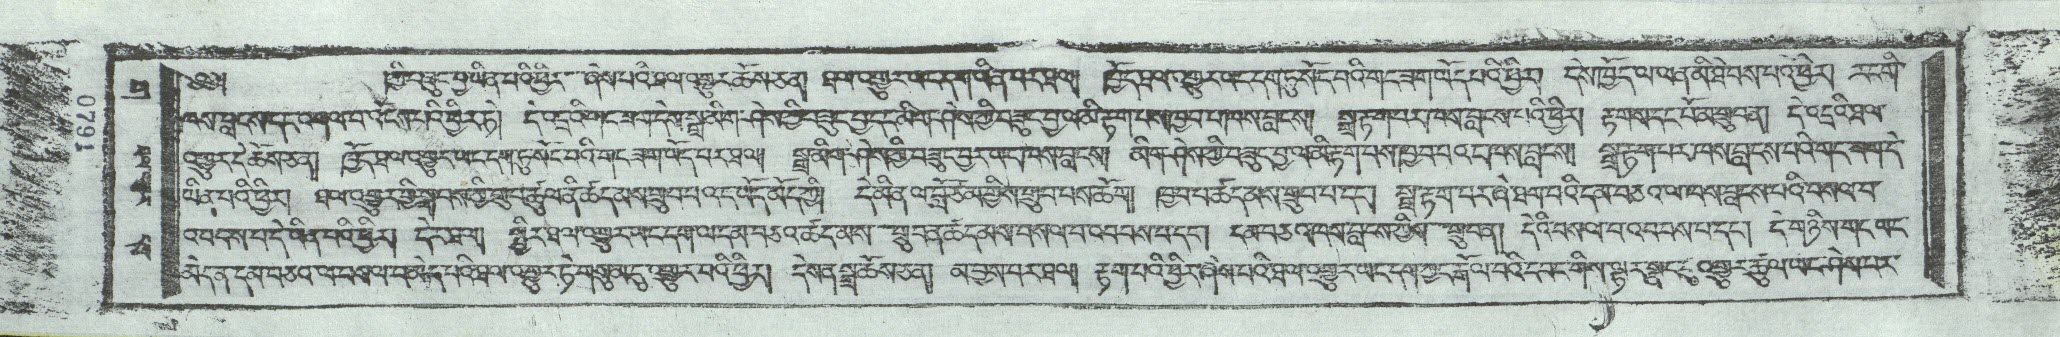༄༅། །ཀྱི་བཟུང་བྱ་ཡིན་པའི་ཕྱིར་ཞེས་པའི་ཐལ་འགྱུར་ཆོས་ཅན། ཐལ་འགྱུར་ཡང་དག་ཡིན་པར་ཐལ། ཁྱོད་ཐལ་འགྱུར་ཡང་དག་ཏུ་སོང་བའི་གང་ཟག་ཡོད་པའི་ཕྱིར། དེས་ཁྱོད་ལ་ལན་མི་ཐེབས་པའི་ཕྱིར། རང་གི་
ཁས་བླངས་དང་འགལ་བ་འོངས་པའི་ཕྱིར་ཏེ། དེ་འདྲའི་གང་ཟག་དེས་སྒྲ་མིག་ཤེས་ཀྱི་བཟུང་བྱ་དང་མིག་ཤེས་ཀྱི་བཟུང་བྱ་ལ་མི་རྟག་པས་ཁྱབ་པ་ཁས་བླངས། སྒྲ་རྟག་པར་ཁས་བླངས་པའི་ཕྱིར། རྟགས་དང་པོ་མ་གྲུབ་ན། དེ་འདྲའི་ཐལ་
འགྱུར་དེ་ཆོས་ཅན། ཁྱོད་ཐལ་འགྱུར་ཡང་དག་ཏུ་སོང་བའི་གང་ཟག་ཡོད་པར་ཐལ། སྒྲ་མིག་ཤེས་ཀྱི་བཟུང་བྱར་ཡང་ཁས་བླངས། མིག་ཤེས་ཀྱི་བཟུང་བྱ་ལ་མི་རྟག་པས་ཁྱབ་པའང་ཁས་བླངས། སྒྲ་རྟག་པར་ཁས་བླངས་པའི་གང་ཟག་དེ་
ཡིན་པའི་ཕྱིར། ཐལ་འགྱུར་གྱི་སླབས་ཀྱི་གྲུབ་ཚུལ་ནི་ཚད་མས་གྲུབ་པའང་ཡོད་མོད་ཀྱི། དེ་མིན་ལ་བློ་ཙམ་གྱིས་གྲུབ་པས་ཆོག། ཁྱབ་པ་ཚད་མས་གྲུབ་པ་དང་། སྒྲ་རྟག་པར་ཞེ་ཐག་པའི་དམ་བཅའ་ལ་ཁས་བླངས་པའི་བསལ་བ་
འབབས་པ་དེ་ཡིན་པའི་ཕྱིར། དེར་ཐལ། སྤྱིར་ཐལ་འགྱུར་ཡང་དག་ལ་དམ་བཅའ་ཚད་མས་གྲུབ་ན་ཚད་མས་བསལ་བ་འབབས་པ་དང་། དམ་བཅའ་ཁས་བླངས་ཀྱིས་གྲུབ་ན། དེའི་བསལ་བ་འབབས་པ་དང་། དེ་གཉེས་གང་ཡང་
མེད་ན་དམ་བཅའ་ལ་བསལ་བ་མེད་པའི་ཐལ་འགྱུར་ཏེ་གསུམ་དུ་འགྱུར་བའི་ཕྱིར། དེས་ན་སྒྲ་ཆོས་ཅན། མ་བྱས་པར་ཐལ། རྟག་པའི་ཕྱིར་ཞེས་པའི་ཐལ་འགྱུར་ཡང་དག་ཀྱང་རྒོལ་བའི་དབང་གིས་ལྟར་སྣང་དུ་འགྱུར་ཚུལ་ཡང་ཤེས་པར་